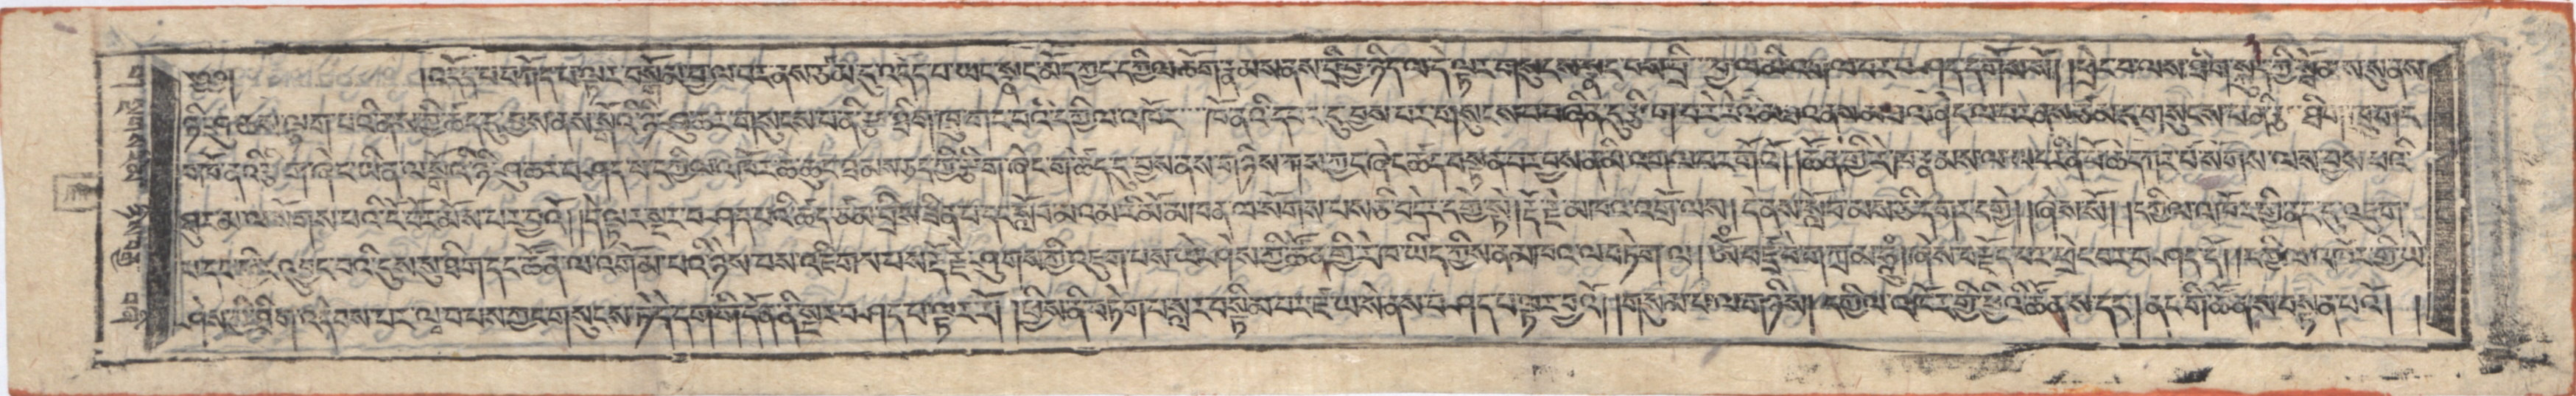༄༅། །འདོད་པ་བཀོད་པ་ལྟར་བསྒོམ་བྱ་ལ་བར་ནས་ཙམ་དུ་འདོད་པ་ཡང་སྣང་མོད་ཀྱང་དཀྱིལ་ཆོག་རྣམས་ནས་བྲི་བྱ་ཉིད་ལ་དེ་ལྟར་གསུངས་སྣང་བས་བྲི་བྱ་ལ་མི་འགལ་བར་བཤད་དགོས་སོ། །ཕྲེང་བ་ལས་ཐིག་སྐུད་ཀྱི་སྦོམས་སུ་ནས་
ཉི་ཤུ་ཆས་ལྷག་པའི་ནས་ཀྱི་ཚད་དུ་བྱས་ནས་སྒོའི་ཉི་ཤུ་ཆར་གསུངས་པ་ནི་རྩ་ཐིག་ཁྲུ་གང་བའི་དཀྱིལ་འཁོར་ཁོ་ནའི་དབང་དུ་བྱས་པར་གསུངས་པ་བཞིན་དུ་རྩིག་པ་རེ་རེའི་མཐའ་ནས་མཐའི་ཞེང་ལ་བར་ནས་ཙམ་དུ་གསུངས་པ་ནི་རྩ་ཐིག་ཁྲུ་གང་
བ་ཁོ་ནའི་རྩིག་ཞིང་ཡིན་ལ་སྒོའི་ཉི་ཤུ་ཆར་བཤད་པ་དཀྱིལ་འཁོར་ཆེ་ཆུང་ཐམས་ཅད་ཀྱི་རྩིག་ཞེང་གི་ཚད་དུ་བྱས་ནས་གཉིས་ཀས་ཀྱང་ཞེང་ཚད་བསྟན་པར་བྱས་ན་མི་འགལ་བར་གོའོ། །ཚོན་གྱི་རེ་ཁ་རྣམས་ལ་ཡང་རིན་པོ་ཆེ་དཀར་པོ་སོགས་ལས་བྱས་པའི་
ཐུར་མ་ལ་སོགས་པའི་ངོ་བོར་མོས་པར་བྱའོ། །དེ་ལྟར་སྔར་བཤད་པའི་ཚད་ཙམ་བྲིས་ཟིན་པ་དང་སློབ་མའམ་རི་མོ་མཁན་ལ་སོགས་པས་ཅི་བདེར་དགྱེ་སྟེ། རྡོ་རྗེ་མཁའ་འགྲོ་ལས། དེ་ནས་སློབ་མས་ཅི་དགར་དགྱེ། །ཞེས་སོ། །དཀྱིལ་འཁོར་གྱི་ནང་དུ་འཇུག་
པ་དང་ཕྱིར་འབྱུང་བའི་དུས་སུ་ཐིག་དང་ཚོན་ལ་འགོམ་པའི་ཉེས་པས་འཇིགས་པས་རྡོ་རྗེ་ཤུགས་ཀྱི་འཇུག་པས་ཡེ་ཤེས་ཀྱི་ཚོན་གྱི་རེ་ཁ་ཡིད་ཀྱིས་ནམ་མཁའ་ལ་བཏེག་ལ། ཨོཾ་བཛྲ་བེ་ག་ཀྲ་མ་ཧཱུཾ། ཞེས་བརྗོད་པར་ཕྲེང་བར་བཤད་དོ། །དཀྱིལ་འཁོར་གྱི་ཡེ་
ཤེས་ཀྱི་ཐིག་འདེབས་པར་ལྭ་བ་པས་ཀྱང་གསུངས་ཏེ་དེ་དག་གི་དོན་ནི་སྔར་བཤད་པ་ལྟར་རོ། །ཕྱིས་ནི་བཏེག་པ་སླར་བསྟིམ་པར་ཛ་ཡ་སེ་ནས་བཤད་པ་ལྟར་བྱའོ། །གསུམ་པ་ལ་གཉིས། དཀྱིལ་འཁོར་གྱི་ཕྱིའི་ཚོན་ས་དང་། ནང་གི་ཚོན་ས་བསྟན་པའོ། །